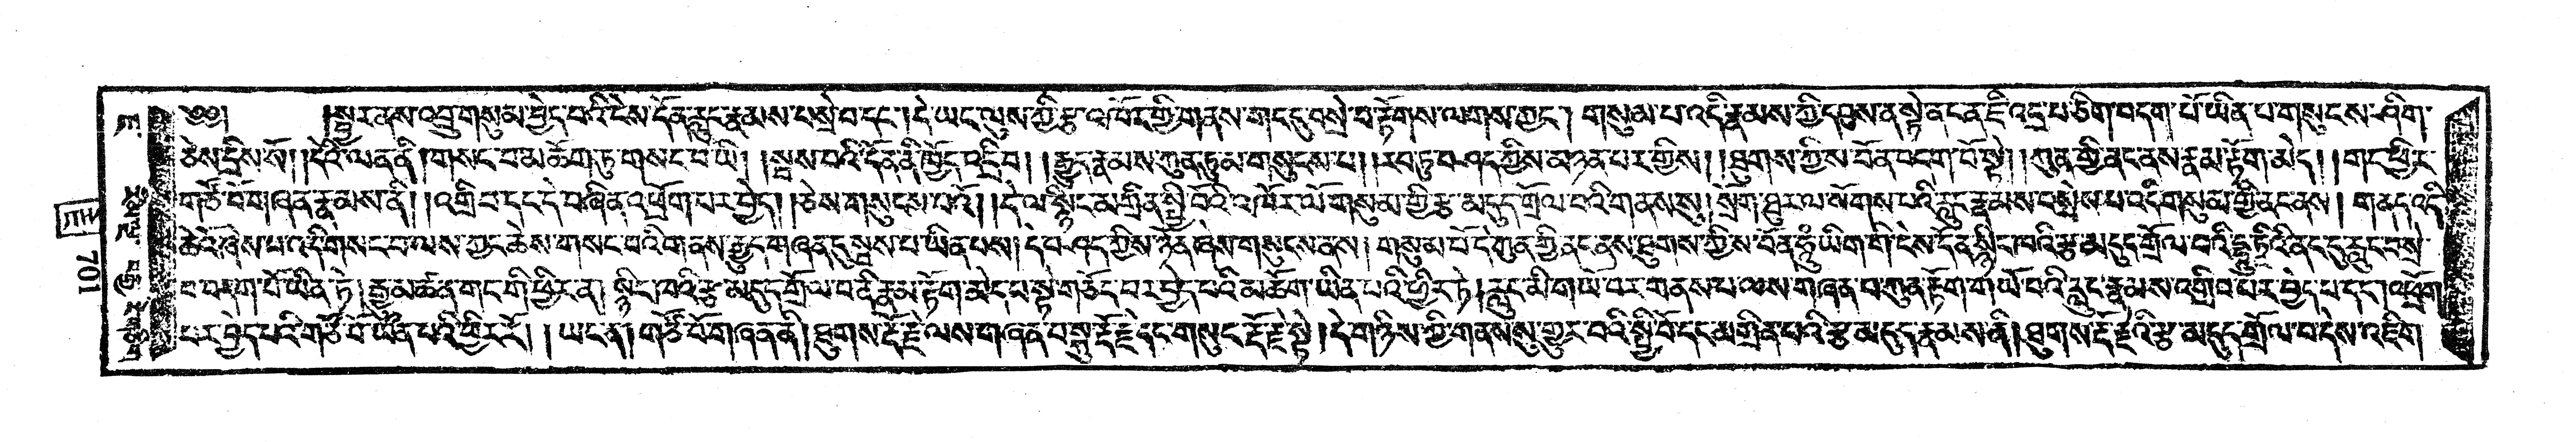༄༅། །སྦྱར་ནས་འབྲུ་གསུམ་བྱེད་པའི་ངེས་དོན་རླུང་རྣམས་བསྲེ་པ་དང་། དེ་ཡང་ལུས་ཀྱི་རྩ་འཁོར་གྱི་གནས་གང་དུ་བསྲེ་པ་རྟོགས་ལགས་ཀྱང་། གསུམ་པ་འདི་རྣམས་ཀྱི་དབུས་ན་སྟེ་ནང་ན་ཇི་འདྲ་བ་ཅིག་བདག་པོ་ཡིན་པ་གསུངས་ཤིག་
ཅེས་དྲིས་སོ། །དེའི་ལན་ནི། གསང་བ་མཆོག་ཏུ་གསང་བ་ཡི། །སྦས་པའི་དོན་ནི་ཁྱོད་འདྲི་བ། །རྒྱུད་རྣམས་ཀུན་ཏུ་མ་གསུངས་པ། །རབ་ཏུ་བཤད་ཀྱིས་མཉན་པར་གྱིས། །ཐུགས་ཀྱི་ས་བོན་བདག་པོ་སྟེ། །ཀུན་གྱི་ནང་ནས་རྣམ་རྟོག་མེད། །གང་ཕྱིར་
གཙོ་བོ་གཞན་རྣམས་ནི། །འགྲིབ་དང་དེ་བཞིན་འཕྲོག་པར་བྱེད། །ཅེས་གསུངས་པའོ། །དེ་ལ་སྙིང་མགྲིན་སྤྱི་བོའི་འཁོར་ལོ་གསུམ་གྱི་རྩ་མདུད་གྲོལ་བའི་གནས་སུ། སྲོག་ཐུར་ལ་སོགས་པའི་རླུང་རྣམས་བསྲེས་པ་འདི་གསུམ་གྱི་ནང་ནས། གནད་འདི་
ཆེའོ་ཞེས་པ་འདི་གསང་བ་ལས་ཀྱང་ཆེས་གསང་བའི་གནས་རྒྱུད་གཞན་དུ་སྦས་པ་ཡིན་པས། དེ་བཤད་ཀྱིས་ཉེན་ཞེས་གསུངས་ནས། གསུམ་པོ་དེ་ཀུན་གྱི་ནང་ནས་ཐུགས་ཀྱི་ས་བོན་ཧཱུཾ་ཡིག་གི་ངེས་དོན་སྙིང་ཁའི་རྩ་མདུད་གྲོལ་བའི་དྷཱུ་ཏཱིའི་ནང་དུ་རླུང་བསྲེ་
བ་བདག་པོ་ཡིན་ཏེ། རྒྱུ་མཚན་གང་གི་ཕྱིར་ན། སྙིང་ཁའི་རྩ་མདུད་གྲོལ་བ་ནི་རྣམ་རྟོག་མེད་པ་སྟེ་གཅོད་པར་བྱེད་པའི་མཆོག་ཡིན་པའི་ཕྱིར་ཏེ། རླུང་མི་གཡོ་བར་གནས་པ་ལས་གཞན་པ་ཀུན་རྟོག་གཡོ་བའི་རླུང་རྣམས་འགྲིབ་པར་བྱེད་པ་དང་། འཕྲོག་
པར་བྱེད་པའི་གཙོ་བོ་ཡིན་པའི་ཕྱིར་རོ། །ཡང་ན། གཙོ་བོ་གཞན་ནི། ཐུགས་རྡོ་རྗེ་ལས་གཞན་པ་སྐུ་རྡོ་རྗེ་དང་གསུང་རྡོ་རྗེ་སྟེ། དེ་གཉིས་ཀྱི་གནས་སུ་གྱུར་བའི་སྤྱི་བོ་དང་མགྲིན་པའི་རྩ་མདུད་རྣམས་ནི། ཐུགས་རྡོ་རྗེའི་རྩ་མདུད་གྲོལ་བ་དེས་འཇིག་